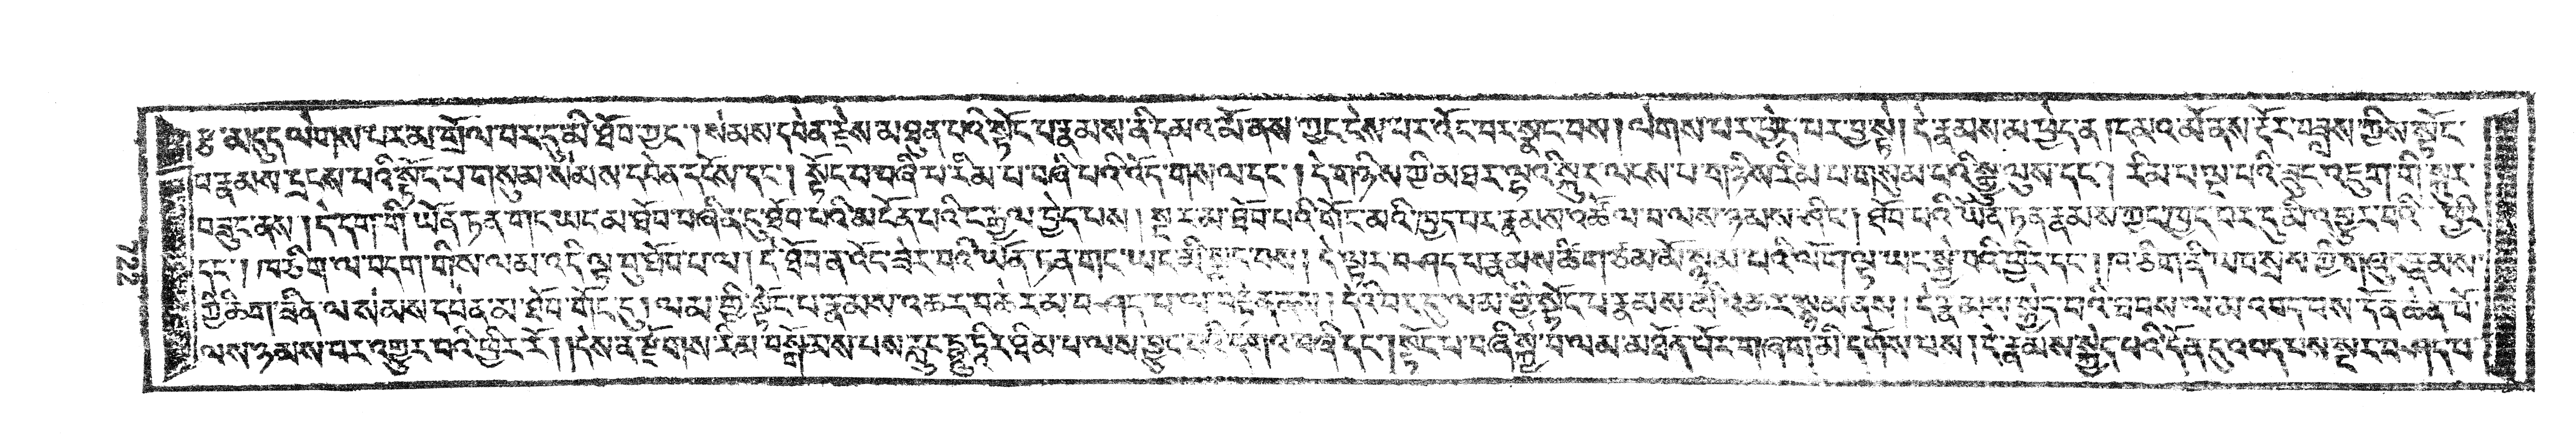རྩ་མདུད་ལེགས་པར་མ་གྲོལ་བར་དུ་མི་ཐོབ་ཀྱང་། སེམས་དབེན་རྗེས་མཐུན་པའི་སྟོང་པ་རྣམས་ནི་དམའ་མོ་ནས་ཀྱང་ངེས་པར་འོང་བར་སྣང་བས། ལེགས་པར་བྱེད་པར་བྱ་སྟེ། དེ་རྣམས་མ་ཕྱེད་ན། དམའ་མོ་ནས་རྡོར་བཟླས་ཀྱིས་སྟོང་
པ་རྣམས་དྲངས་པའི་སྟོང་པ་གསུམ་སེམས་དབེན་དངོས་དང་། སྟོང་པ་བཞི་པ་རིམ་པ་བཞི་པའི་འོད་གསལ་དང་། དེ་གཉིས་ཀྱི་མཐར་ལྷའི་སྐུར་ལངས་པ་གཉིས་རིམ་པ་གསུམ་པའི་སྒྱུ་ལུས་དང་། རིམ་པ་ལྔ་པའི་ཟུང་འཇུག་གི་སྐུར་
བཟུང་ནས། དེ་དག་གི་ཡོན་ཏན་གང་ཡང་མ་ཐོབ་བཞིན་དུ་ཐོབ་པའི་མངོན་པའི་ང་རྒྱལ་བྱེད་པས། སྔར་མ་ཐོབ་པའི་གོང་མའི་ཁྱད་པར་རྣམས་འཚོལ་བ་ལས་ཉམས་ཤིང་། ཐོབ་པའི་ཡོན་ཏན་རྣམས་ཀྱང་ཁྱད་པར་དུ་མི་འགྱུར་བའི་ཕྱིར་
དང་། ཁ་ཅིག་ལ་བདག་གིས་ལམ་འདི་ལྟ་བུ་ཐོབ་པ་ལ། དེ་ཐོབ་ན་འོད་ཟེར་བའི་ཡོན་ཏན་གང་ཡང་མི་སྣང་བས། དེ་ལྟར་བཤད་པ་རྣམས་ཚིག་ཙམ་མོ་སྙམ་པའི་ལོག་ལྟ་ཡང་སྐྱེ་བའི་ཕྱིར་དང་། ཁ་ཅིག་ནི་ཡབ་སྲས་ཀྱི་གཞུང་རྣམས་
ཀྱི་ཚིག་ཟིན་ལ་སེམས་དབེན་མ་ཐོབ་གོང་དུ། ལམ་གྱི་སྟོང་པ་རྣམས་འཆར་བ་ཆེར་མ་བཤད་པ་ལ་བརྟེན་ནས། དེའི་བར་དུ་ལམ་གྱི་སྟོང་པ་རྣམས་མི་འཆར་སྙམ་ནས། དེ་རྣམས་སྐྱེད་པའི་ཐབས་ལ་མ་འབད་པས་དོན་ཆེན་པོ་
ལས་ཉམས་པར་འགྱུར་བའི་ཕྱིར་རོ། །དེས་ན་རྫོགས་རིམ་བསྒོམས་པས་རླུང་དྷཱུ་ཏཱིར་ཐིམ་པ་ལས་བྱུང་བའི་དགའ་བཞི་དང་། སྟོང་པ་བཞི་སྐྱེ་བ་ལམ་མཐེན་པོར་གཞག་མི་དགོས་པས། དེ་རྣམས་སྐྱེད་པའི་དོན་དུ་འབད་པས་སྔར་བཤད་པ་